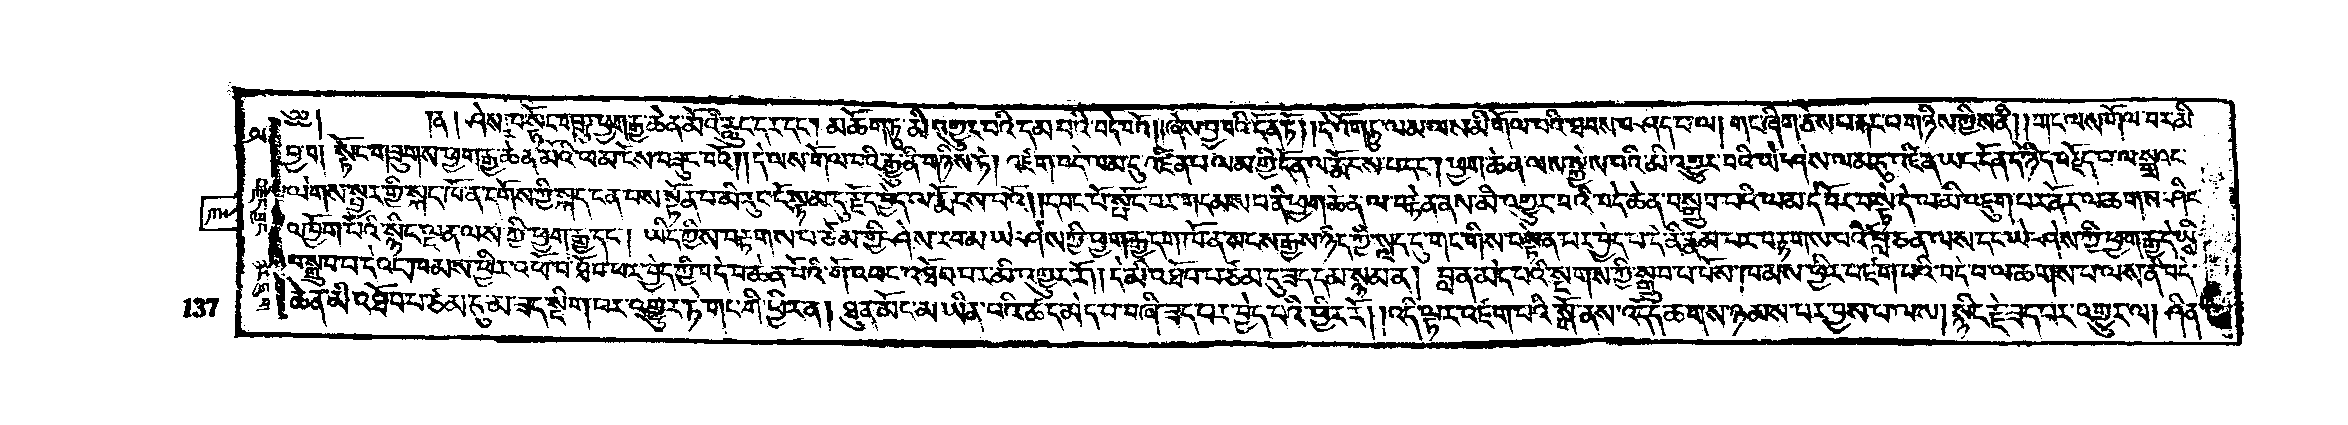༄༅། །ན། ཤེས་རབ་སྟོང་གཟུགས་ཕྱག་རྒྱ་ཆེན་མོའི་རླུང་དར་དང་། མཆོག་ཏུ་མི་འགྱུར་བའི་དམ་པའི་བདེ་བའོ། །ཞེས་བྱ་བའི་དོན་ཏོ། །དེ་འོག་ཏུ་ལམ་ལས་མི་གོལ་བའི་ཐབས་བཤད་པ་ལ། གང་ཞིག་ཅེས་པ་རྐང་པ་གཉིས་ཀྱིས་ནི། །གང་ལས་གོལ་བར་མི་
བྱ་བོ། སྟོང་གཟུགས་ཕྱག་རྒྱ་ཆེན་མོའི་ལམ་ངེས་བཟུང་བའོ། །དེ་ལས་གོལ་བའི་རྒྱུ་ནི་གཉིས་ཏེ། འཛག་བད་ལམ་དུ་འཛིན་པ་ལམ་གྱི་དོན་ལ་རྨོངས་པ་དང་། ཕྱག་ཆེན་ལས་སྐྱེས་པའི་མི་འགྱུར་བའི་ཡེ་ཤེས་ལམ་དུ་འཛིན་ཡང་དོན་དེ་ཉིད་བརྗོད་པ་ལ་སྒྲའང་
ལེགས་སྦྱར་གྱི་སྐད་ཁོ་ན་དགོས་ཀྱི་སྐད་ངན་པས་སྟོན་པ་མི་རུང་ངོ་སྙམ་དུ་རྗོད་བྱེད་ལ་རྨོངས་པའོ། །དབང་པོ་སྤོང་བར་གདམས་པ་ནི་ཕྱག་ཆེན་ལ་བརྟེན་ནས་མི་འགྱུར་བའི་བདེ་ཆེན་བསྒྲུབ་པའི་ལམ་དེ་པོར་བ་སྟེ་དེ་ལ་མི་འཇུག་པར་ནོར་ལ་ཆགས་ཤིང་
འཁྱོག་པོའི་སྙིང་ལྡན་ལས་ཀྱི་ཕྱག་རྒྱ་དང་། ཡིད་ཀྱིས་བརྟགས་པ་ཙམ་གྱི་ཤེས་རབ་མ་ཡེ་ཤེས་ཀྱི་ཕྱག་རྒྱ་དག་ཁོ་ན་སངས་རྒྱས་ཉིད་ཀྱི་སླད་དུ་གང་གིས་བསྟེན་པར་བྱེད་པ་དེ་ནི་རྣམ་པར་བརྟགས་པའི་བློ་ཅན་ལས་དང་ཡེ་ཤེས་ཀྱི་ཕྱག་རྒྱ་དེ་ཡིས་
བསྒྲུབ་?་པ་དེའང་ཁམས་ཕྱིར་འཕོ་བ་ཐོབ་པར་བྱེད་ཀྱི་བདེ་བ་ཆེན་པོའི་གོ་འཕང་འཐོབ་པར་མི་འགྱུར་རོ། །དེ་མི་འཐོབ་པ་ཙམ་དུ་ཟད་དམ་སྙམ་ན། བླ་ན་མེད་པའི་སྔགས་ཀྱི་སྒྲུབ་པ་པོས་ཁམས་ཕྱིར་འཛག་པའི་བདེ་བ་ལ་ཆགས་པ་ལས་ནི་བདེ་
ཆེན་མི་འཐོབ་པ་ཙམ་དུ་མ་ཟད་སྡིག་པར་འགྱུར་ཏེ་གང་གི་ཕྱིར་ན། ཐུན་མོང་མ་ཡིན་པའི་ཚད་མེད་པ་བཞི་ཟད་པར་བྱེད་པའི་ཕྱིར་རོ། །འདི་ལྟར་འཛག་པའི་སྒོ་ནས་འདོད་ཆགས་ཉམས་པར་བྱས་པ་ལས། སྙིང་རྗེ་ཟད་པར་འགྱུར་ལ། ཤིན་